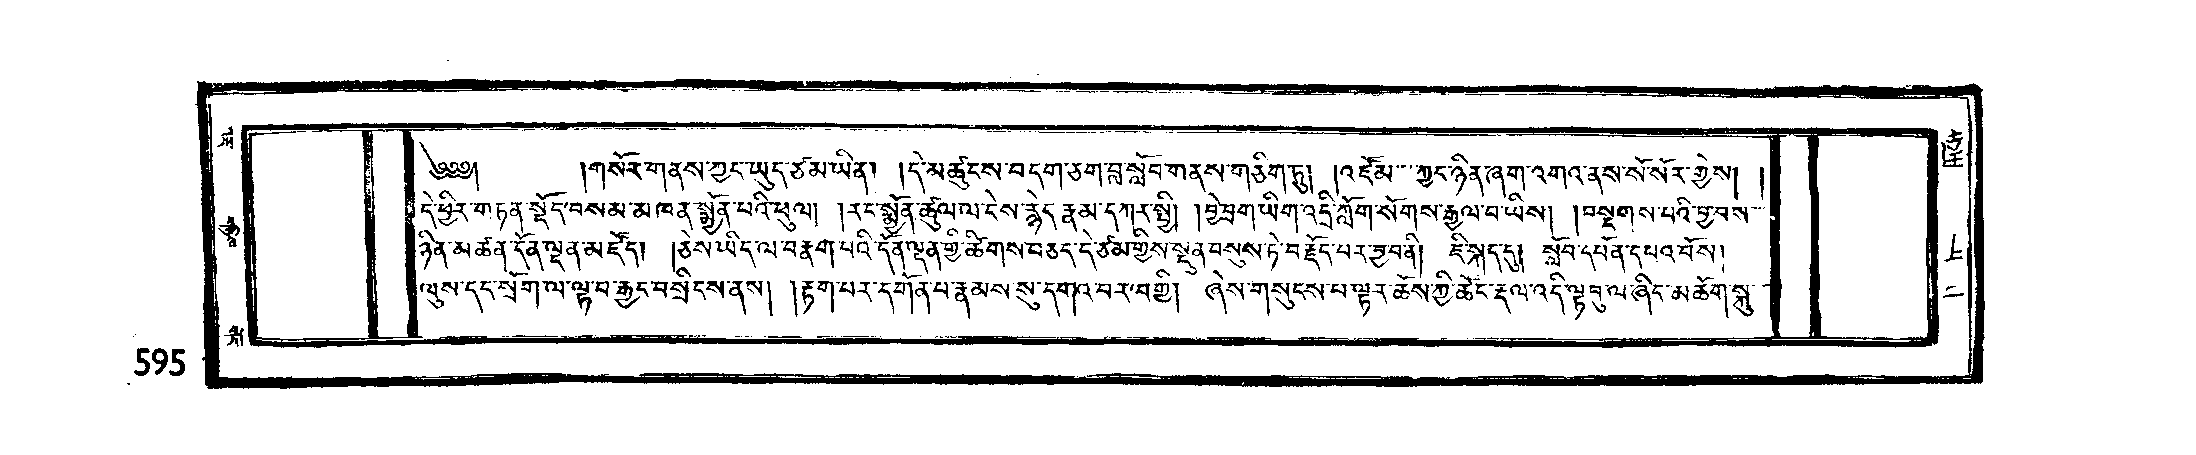༄༅། །གསོར་གནས་ཀྱང་ཡུད་ཙམ་ཡིན། །དེ་མཚུངས་བདག་ཅག་བླ་སློབ་གནས་གཅིག་ཏུ། །འཛོམ་ཀྱང་ཉིན་ཞག་འགའ་ནས་སོ་སོར་གྱེས། །
དེ་ཕྱིར་གཏན་སྡོད་བསམ་མཁན་སྨྱོན་པའི་ཕུལ། །རང་སྨྱོན་ཚུལ་ལ་ངེས་རྙེད་རྣམ་དཀར་སྤྱི། །བྱེ་བྲག་ཡིག་འདྲི་ཀློག་སོགས་རྒྱལ་བ་ཡིས། །བསྔགས་པའི་བྱ་བས་
ཉིན་མཚན་དོན་ལྡན་མཛོད། །ཅེས་ཡིད་ལ་བརྣག་པའི་དོན་ལྡན་གྱི་ཚིགས་བཅད་དེ་ཙམ་གྱིས་སྡུན་བསུས་ཏེ་བརྗོད་པར་བྱ་བ་ནི། ཇི་སྐད་དུ། སློབ་དཔོན་དཔའ་བོས།
ལུས་དང་སྲོག་ལ་ལྟ་བ་རྒྱང་བསྲིངས་ནས། །རྟག་པར་དགོན་པ་རྣམས་སུ་དགའ་བར་བགྱི། ཞེས་གསུངས་པ་ལྟར་ཆོས་ཀྱི་ཚོང་རྡལ་འདི་ལྟ་བུ་ལ་ཞིང་མཆོག་སྐུ་